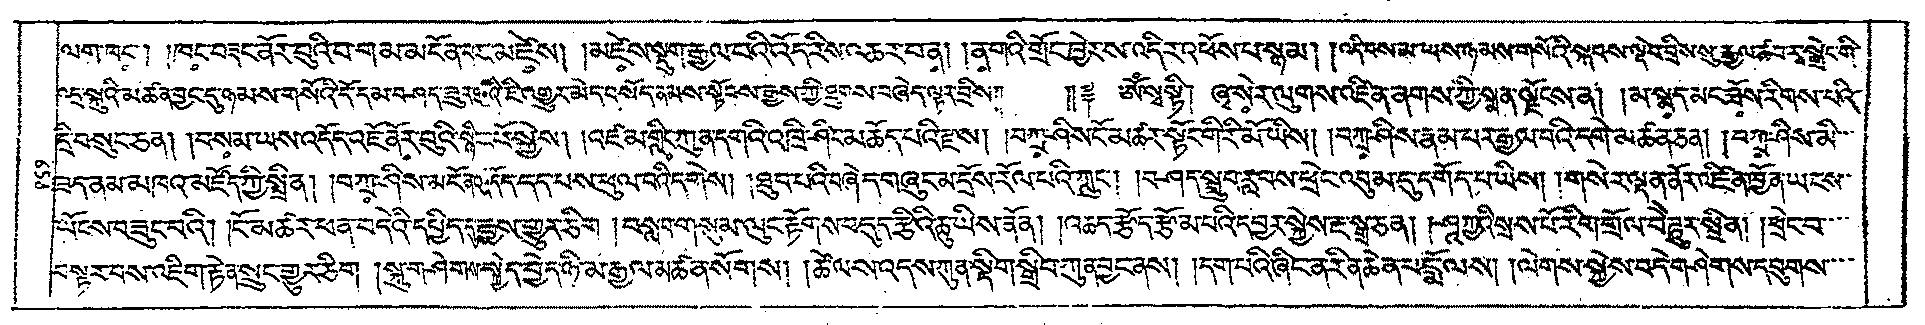ལག་ཁང྾། །ཁང྾་བཟང་ནོར་བུའི་བ་གམ་མངོན་པར་མཛེས྾། །མཛེས྾་སྡུག་རྒྱལ་བའི་འོད་རིས་འཆར་བ་ན྾། །ན྾་གའི་གྲོང་ཁྱེར་ས་འདིར་འཕོས་པ་སྙམ། །འདི་བསམ་ཡས་ཉམས་གསོའི་སྐབས་ལྡེབ་བྲིས་སུ་རྒྱལ་ཚབ་རྭ་སྒྲེང་གི་
འདྲ་སྐུའི་མཚན་བྱང་དུ་ཉམས་གསོའི་དོ་དམ་བཤད་ཟུར་ཐའི་ཇི་འགྱུར་མེད་བསོད་ནམས་སྟོབས་རྒྱས་ཀྱི་ཐུགས་བཞེད་ལྟར་བྲིས།། །། ༈ ཨོཾ་སྭ་སྟི། ཞྭ་སེར྾་ལུགས་འཛིན་ནགས་ཀྱི་སྨན་ལྗོངས་ན། །མ་སྨད྾་མང་ཐོས྾་རིགས་པའི་
དྲི་བསུང་ཅན། །བསམ྾་ཡས་འདོད་འཇོ་ནོར྾་བུའི་སྙིང་པོ་སྐྱེས། །འཛམ་གླིང྾་ཀུན་དགའི་འཁྲི་ཤིང་མཆོད་པའི་རྫས། །བཀྲ྾་ཤིས་ངོ་མཚར་སྟོང་གི་རི་མོ་ཡིས། །བཀྲ྾་ཤིས་རྣམ་པར་རྒྱལ་བའི་དགེ་མཚན་ཅན། །བཀྲ྾་ཤིས་མི་
ཟད་ནམ་མཁའ་མཛོད་ཀྱི་སྤྲིན། །བཀྲ྾་ཤིས་མངོན་འདོད་དད་པས་ཕུལ་བའི་དགེས། །ཐུབ་པའི་བཞེད་གཞུང་མ་དྲོས་རོལ་པའི་ཀླུང་། །བཤད་སྒྲུབ་རླབས་ཕྲེང་འབུམ་དུ་དགོད་པ་ཡིས། །གསེར་ལྡན་ནོར་འཛིན་ཁྱོན་ཡངས་
ཡོངས་བཟུང་བའི། །ངོ་མཚར་ཕན་བདེའི་དཔྱིད་དུ་རྒྱས་གྱུར་ཅིག །བསླབ་གསུམ་ལུང་རྟོགས་བདུད་རྩིའི་ཆུ་ཡིས་ནོན། །འཆད་རྩོད་རྩོམ་པའི་དབྱར་སྐྱེས་རྔ་སྒྲ་ཅན། །ཤཱཀྱའི་སྲས་པོ་རིག་གྲོལ་བཻཌཱུར་སྤྲིན། །ཕྲེང་བ་
བསྟར་བས་འཇིག་རྟེན་སྲུང་གྱུར་ཅིག །སྐུ་གཤེགས་སྐྱེད་བྱེད་ཉི་མ་རྒྱལ་མཚན་སོགས། །ཚེ་ལས་འདས་ཀུན་སྡིག་སྒྲིབ་ཀུན་བྱང་ནས། །དག་པའི་ཞིང་ན་ཆེན་པདམོ་ལས། །ལེགས་སྐྱེས་བདེ་གཤེགས་དབུགས་